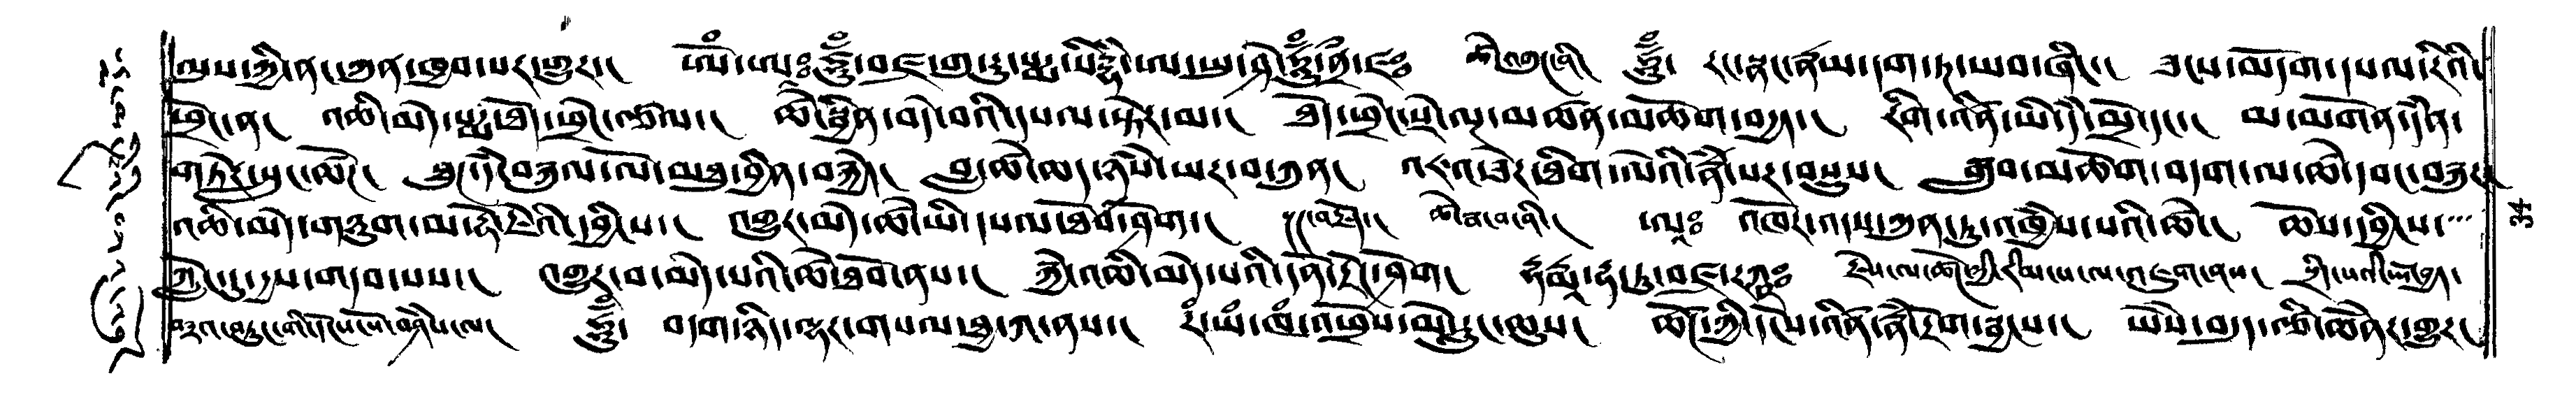།ལུས་ཀྱི་ནང་ཀུན་ཁྱབ་པར་གྱུར། ཨོཾ་ཨཱཿཧཱུྃ་བཛྲ་གུ་རུ་པདྨ་སིདྡྷི་ཨ་ཡུ་ཤེ་ཧཱུྃ་ནྲྀ་ཛཿ ཚེ་འགུགས་ནི། ཧཱུྃ། རང་སྣང་རྣམ་དག་རྔ་ཡབ་ཞིང་། །ཟངས་མདོག་དཔལ་རིའི་
ཕོ་བྲང་ན། །འཆི་མེད་པདྨ་ཐོད་ཕྲེང་རྩལ། །ཚེ་སྦྱིན་བདེ་བའི་དཔལ་སྟེར་མ། །ཐོད་ཕྲེང་སྡེ་ལྔ་མཚན་མཆོག་བརྒྱད། །རིག་འཛིན་ཡི་དམ་འཁའ་འགྲོ་དང་། །མ་མགོན་དམ་ཅན་
གཏེར་སྲུང་ཚོགས། །ཐུགས་དམ་བསྐུལ་ལོ་མཐུ་བྱིན་སྐྱེད། །བླ་ཚེ་ཆད་ཉམས་ཡར་བ་ཀུན། །འཇའ་ཟེར་ཐིག་ལེའི་རྣམ་པར་སྡུས། །སྒྲུབ་མཆོག་བདག་ལ་ཚེ་དབང་སྐུར། །
འཆི་མེད་གཉུག་མ་རྡོ་རྗེའི་དབྱིངས། །འགྱུར་མེད་ཚེ་ཡི་དཔལ་ཐོབ་ཤོག སྔགས་བརྗོད། ཚེ་སྦ་བ་ནི། ཨཱཿ འཁོར་འདས་ཀུན་ཏུ་འཁྱམས་པའི་ཚེ། །ཆོས་དབྱིངས་
ཀློང་དུ་རྒྱས་གདབ་པས། །འགྱུར་བ་མེད་པའི་ཚེ་ཐོབ་ནས། །སྐྱེ་འཆི་མེད་པའི་དོན་རྟོགས་ཤོགདྷརྨཱ་དྷ་ཏུ་བཛྲ་རཀྵཿ རྗེས་ལ་ཚོགས་ཀྱི་རིམ་པ་ལ་འཇུག་ན། སྲིད་པའི་ཡོ་བྱད་
བཟའ་བཏུང་གི་དངོས་སུ་བཤམས་ལ། ཧཱུྃ། བདག་ཉིད་ལྷར་གསལ་ཐུགས་ཀ་ནས། །རྃ་ཡྃ་ཁྃ་འཕྲོས་མེ་རླུང་ཆུས། །ཚོགས་ཀྱི་དངོས་འཛིན་རྣམ་རྟོག་སྦྱངས། །ཡེ་ཤེས་བདུད་རྩི་ཆེན་པོར་གྱུར།